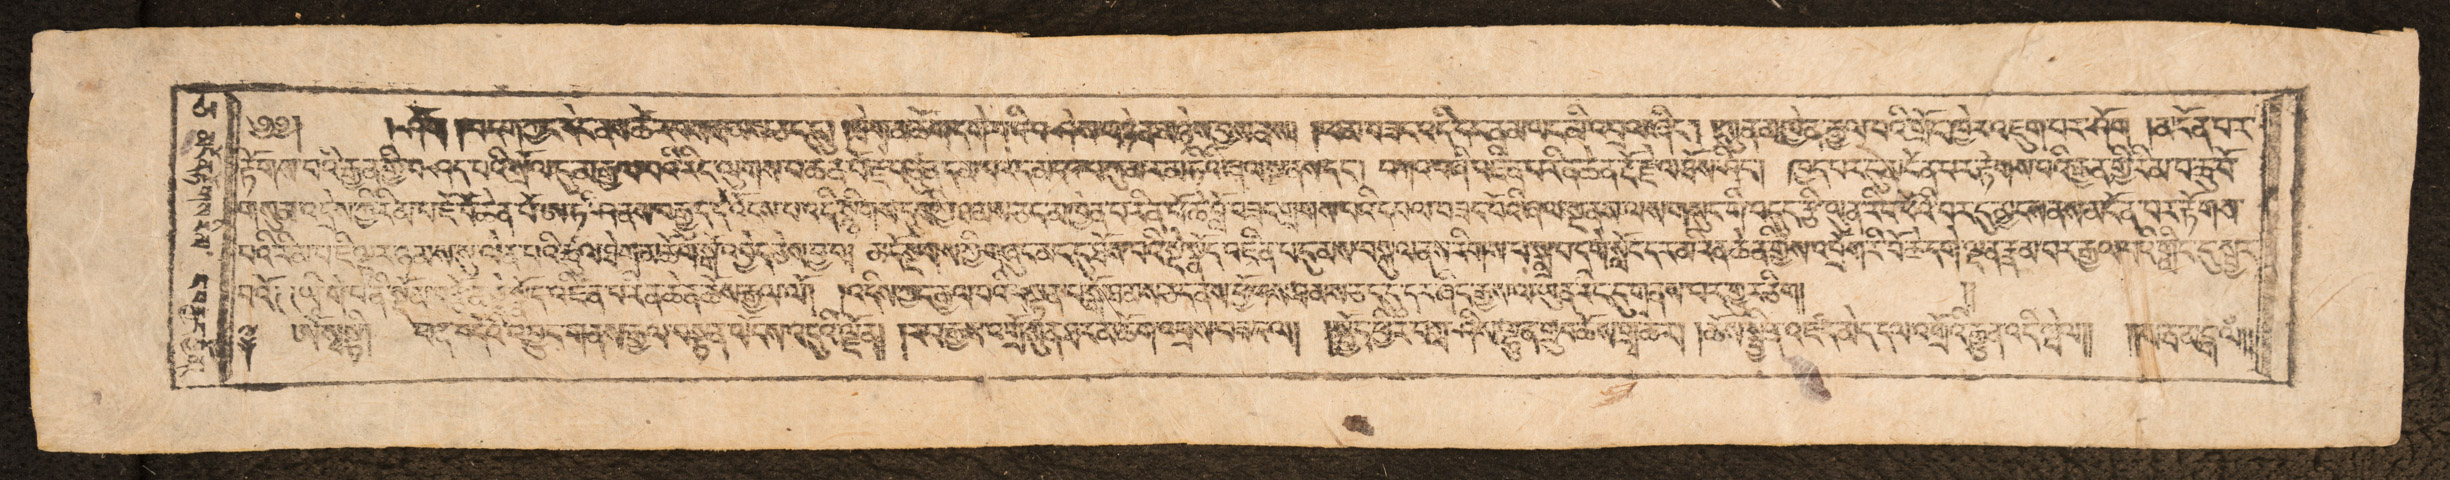༄༅། །ཤོག །བདག་ཀྱང་དེང་ནས་ཚེ་རབས་ཐམས་ཅད་དུ། །ཐེག་མཆོག་དགེ་བའི་བཤེས་གཉེན་མཉེས་བྱས་ནས། །ལམ་བཟང་འདི་དང་ནམ་ཡང་མི་འབྲལ་ཞིང་། །ཀུན་མཁྱེན་རྒྱལ་བའི་གྲོང་ཁྱེར་འཇུག་པར་ཤོག །མངོན་པར་
རྟོགས་པའི་རྒྱན་གྱི་བཤད་པའི་སྲོལ་དུ་མ་རྒྱལ་བའི་རིང་ལུགས་པ་ཆེན་པོ་རྗེ་བཙུན་དམ་པ་རེད་མདའ་པ་ཀུ་མ་ར་མ་ཏིའི་ཞལ་སྔ་ནས་དང་། བཀའ་བཞི་འཛིན་པ་རིན་ཆེན་རྡོ་རྗེ་ལ་ཐོས་ཤིང་། ཁྱད་པར་དུ་མངོན་པར་རྟོགས་པའི་རྒྱན་གྱི་རིམ་པ་ཆུ་བོ་
གསུམ་འདྲེས་ཀྱི་རིམ་པ་ཇོ་བོ་ཆེན་པོ་ཨ་ཏི་ཤ་ནས་བརྒྱུད་དེ་འོངས་པ་འདི་སྙིགས་དུས་ཀྱི་ཐམས་ཅད་མཁྱེན་པ་རིན་པོ་ཆེ་བློ་བཟང་གྲགས་པའི་དཔལ་བཟང་པོའི་ཞལ་སྔ་ནས་ལས་གསུང་གི་བདུད་རྩི་ཡུན་རིང་པོའི་བར་དུ་མྱངས་ནས་མངོན་པར་རྟོགས་
པའི་རིམ་པ་ཇི་ལྟར་ཉམས་སུ་ལེན་པའི་ཚུལ་ཐེག་མཆོག་སྒོ་འབྱེད་ཅེས་བྱ་བ། མདོ་སྔགས་ཀྱི་གཞུང་མང་དུ་ཐོས་པའི་སྡེ་སྣོད་འཛིན་པ་དུ་མས་བསྐུལ་ནས་རིགས་པ་སྨྲ་བ་དགེ་སློང་དར་མ་རིན་ཆེན་གྱིས་འབྲོག་རི་བོ་ཆེ་དགེ་ལྡན་རྣམ་པར་རྒྱལ་བའི་གླིང་དུ་སྦྱར་
བའོ། །ཡི་གེ་པ་ནི་སྡོམ་བརྩོན་སྡེ་སྣོད་འཛིན་པ་རིན་ཆེན་ཆོས་རྒྱལ་ལོ། །འདིས་ཀྱང་རྒྱལ་བའི་བསྟན་པ་སྒོ་ཐམས་ཅད་ནས་ཕྱོགས་ཐམས་ཅད་དུ་དར་ཞིང་རྒྱས་ལ་ཡུན་རིང་དུ་གནས་པར་གྱུར་ཅིག། །།
༈ ཨོཾ་སྭསྟི། ཕན་བདེའི་འབྱུང་གནས་རྒྱལ་བསྟན་ཡོངས་འདུའི་ལྗོན། །རབ་རྒྱས་འགྲོ་ཀུན་ཐར་མཆོག་འབྲས་བཟང་ལ། །སྤྱོད་ཕྱིར་བཀྲ་ཤིས་ལྷུན་གྲུབ་ཆོས་གྲྭ་ཆེར། །ཆོས་སྦྱིན་འཛད་མེད་དལ་འགྲོའི་རྒྱུན་འདི་སྤེལ།། །།སརྦ་མངྒ་ལཾ།།